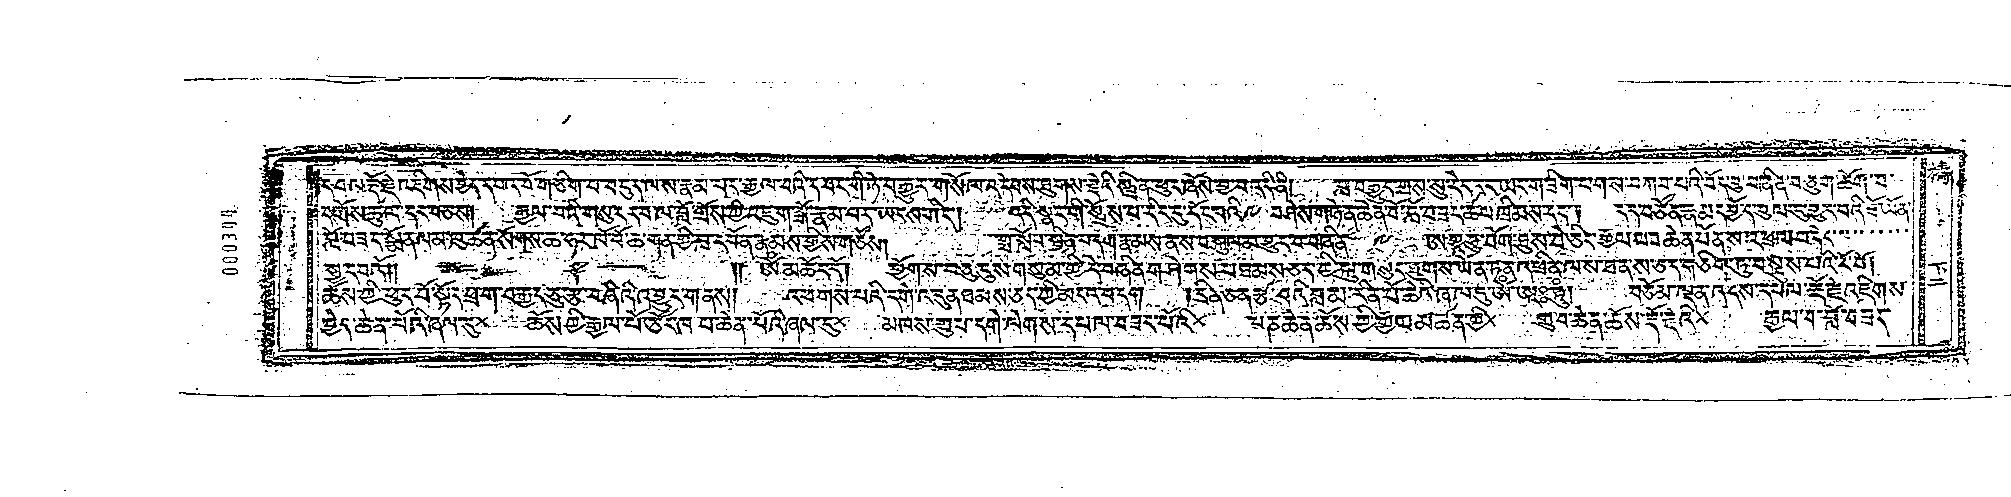དཔལ་རྡོ་རྗེ་འཇིགས་བྱེད་དཔའ་བོ་གཅིག་པ་བདུད་ལས་རྣམ་པར་རྒྱལ་བའི་དབང་གི་ཉེ་བརྒྱུད་གསོལ་འདེབས་ཐུགས་རྗེའི་སྤྲིན་ཕུང་ཞེས་བྱ་བ་འདི་ནི། བླ་བརྒྱུད་གྲས་སུ་རེད་དང་ཡང་གཟིག་པགས་བཀབ་པའི་བོད་བུ་བཞིན་བཅུག་ཆོག་བ་
དགོས་ཚུལ་དང་བཅས། རྒྱལ་བའི་གསུང་རབ་ལ་བློ་གྲོས་ཀྱི་འཇུག་སྒོ་རྣམ་པར་ཡངས་ཤིང་། འདི་སྣང་གི་སྤྲོས་པ་རིང་དུ་དོང་བའི་༧་བཤེས་གཉེན་ཆེན་བོ་བློ་བཟང་ཚུལ་ཁྲིམས་དང་། དད་བཙོན་རྣམ་དབྱོད་ཕུལ་དུ་བྱུང་བའི་ཐོ་ཡོན་
བློ་བཟང་སྨོན་ལམ་ཁུ་ཚ་ན་སོགས་ཆ་ཧར་ཁོ་བོ་ཆ་གན་གྱི་བླ་དཔོན་རྣམས་གྱིས་གཙོས། གྲྭ་སློབ་སྦྱིན་བདག་རྣམས་ནས་བསྐུལ་མ་བྱུང་བ་བཞིན་༧་།ཨཀྱཱཧུ་ཐོག་ཐུས་བེ་ཅིང་རྒྱལ་ཁབ་ཆེན་པོ་ནས་འཕྲལ་བདེར་
སྦྱར་བའོ།། ༈ །།ཨོཾ་མཆོད་དོ། ཕྱོགས་བཅུ་དུས་གསུམ་གྱི་དེ་བཞིན་གཤེགས་པ་ཐམས་ཅད་ཀྱི་སྐུ་གསུང་ཐུགས་ཡོན་ཏན་འཕྲིན་ལས་ཐམས་ཅད་གཅིག་ཏུ་བསྡུས་པའི་ངོ་བོ།
ཆོས་ཀྱི་ཕུང་བོ་སྟོང་ཕྲག་བརྒྱད་ཅུ་རྩ་བཞིའི་འབྱུང་གནས། འཕགས་པའི་དགེ་འདུན་ཐམས་ཅད་ཀྱི་མངའ་བདག །དྲིན་ཅན་རྩ་བའི་བླ་མ་རིན་པོ་ཆེའི་ཞལ་དུ་ཨོཾ་ཨཱཿ་ཧཱུཾ། བཅོམ་ལྡན་འདས་དཔལ་རྡོ་རྗེ་འཇིགས་
བྱེད་ཆེན་པོའི་ཞལ་དུ་྾་ཆོས་ཀྱི་རྒྱལ་པོ་ཙོང་ཁ་པ་ཆེན་པོའི་ཞལ་དུ་྾་མཁས་གྲུབ་དགེ་ལེགས་དཔལ་བཟང་པོའི་྾་པཎ་ཆེན་ཆོས་ཀྱི་རྒྱལ་མཚན་གྱི་྾་གྲུབ་ཆེན་ཆོས་རྡོ་རྗེའི་྾་རྒྱལ་བ་བློ་བཟང་